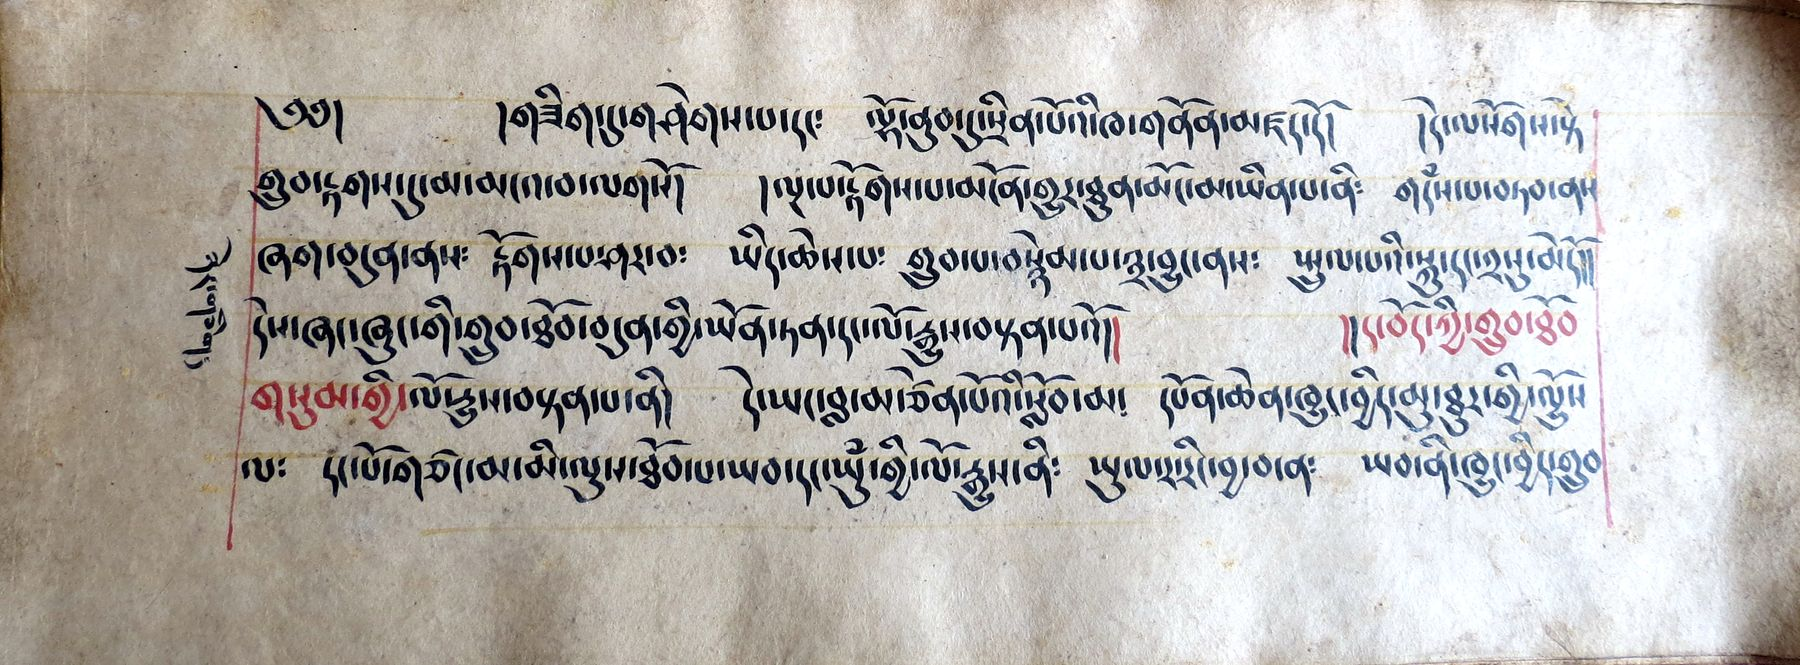གཟིག་ཏུ་གཤེགས་པ་དང་། ལྷོ་ནུབ་དུ་སྲིན་པོའི་ཁ་གནོན་མཛད་དོ། །དེ་ལས་སོགས་སྟེ་
གྲུབ་རྟགས་དུ་མ་མངའ་བ་ལགས་སོ། །ལྔ་པ་རྟོགས་པ་མངོན་གྱུར་ཐུན་མོང་མ་ཡིན་པ་ནི། གདམས་པ་བཏབ་ནས་
ཞག་བདུན་ནས། རྟོགས་པ་ཤར་བ་ཡིད་ཆེས་པ་གྲུབ་པ་བསྙེམས་པ་གསུམ་བྱུང་ནས། སྤྲུལ་པའི་སྐུ་དང་གཉིས་སུ་མེད་དོ། །
དེས་ཞང་ཞུང་གི་གྲུབ་ཐོབ་བདུན་གྱི་ཡོན་ཏན་དང་ལོ་རྒྱུས་བསྟན་པའོ། །ད་བོད་ཀྱི་གྲུབ་ཐོབ་
གསུམ་གྱི་ལོ་རྒྱུས་བསྟན་པ་ནི། དེ་ཡང་བླ་མ་ཙེན་པོའི་སློབ་མ། དཔོན་ཆེན་ཁྱུང་བྱིད་མུ་ཐུར་གྱི་ལོ་རྒྱུས་
ལ། དང་པོ་གཙང་མ་མི་ལུས་ཐོབ་པ་དང་ཡབ་དང་ཡུམ་གྱི་ལོ་རྒྱུས་ནི། ཡུལ་ར་རིང་བྱ་བ་ན། ཡབ་ནི་ཁྱུང་བྱིད་གྲུབ་